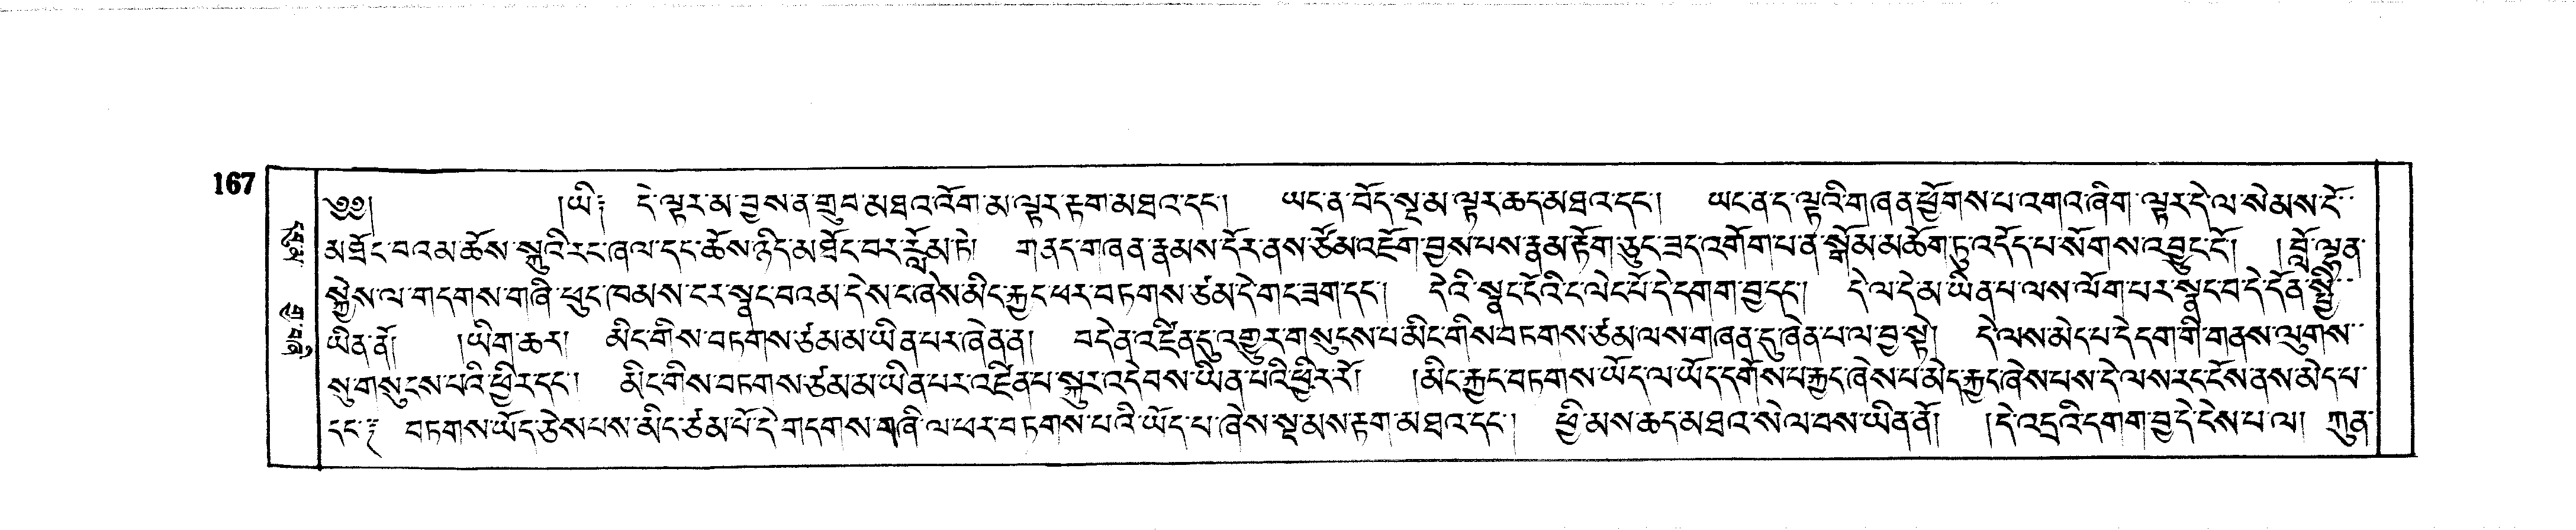༄༅། །ཡི༑ དེ་ལྟར་མ་བྱས་ན་གྲུབ་མཐའ་འོག་མ་ལྟར་རྟག་མཐའ་དང་། ཡང་ན་བོད་སྔ་མ་ལྟར་ཆད་མཐའ་དང་། ཡང་ན་ད་ལྟའི་གཞན་ཕྱོགས་པ་འགའ་ཞིག་ལྟར་དེ་ལ་སེམས་ངོ་
མཐོང་བའམ་ཆོས་སྐུའི་རང་ཞལ་དང་ཆོས་ཉིད་མཐོང་བར་རློམ་ཏེ། གནད་གཞན་རྣམས་དོར་ནས་ཙོམ་འཇོག་བྱས་པས་རྣམ་རྟོག་ཅུང་ཟད་འགོག་པ་ན་སྒོམ་མཆོག་ཏུ་འདོད་པ་སོགས་འབྱུང་ངོ། །བློ་ལྷན་
སྐྱེས་ལ་གདགས་གཞི་ཕུང་ཁམས་ངར་སྣང་བའམ་དེས་ང་ཞེས་མིང་རྐྱང་ཕར་བཏགས་ཙམ་དེ་གང་ཟག་དང་། དེའི་སྣང་ངོའི་ང་ལེང་པོ་དེ་དགག་བྱ་དང་། དེ་ལ་དེ་མ་ཡིན་པ་ལས་ལོག་པར་སྣང་བ་དེ་དོན་སྤྱི་
ཡིན་ནོ། །ཡིག་ཆར། མིང་གིས་བཏགས་ཙམ་མ་ཡིན་པར་ཞེན་ན། བདེན་འཛིན་དུ་འགྱུར་གསུངས་པ་མིང་གིས་བཏགས་ཙམ་ལས་གཞན་དུ་ཞེན་པ་ལ་བྱ་སྟེ། དེ་ལས་མེད་པ་དེ་དག་གི་གནས་ལུགས་
སུ་གསུངས་པའི་ཕྱིར་དང་། མིང་གིས་བཏགས་ཙམ་མ་ཡིན་པར་འཛིན་པ་སྐུར་འདེབས་ཡིན་པའི་ཕྱིར་རོ། །མིང་རྐྱང་བཏགས་ཡོད་ལ་ཡོད་དགོས་པ་རྐྱང་ཞེས་པ་མེད་རྐྱང་ཞེས་པས་དེ་ལས་རང་ངོས་ནས་མེད་པ་
དང་། བཏགས་ཡོད་ཅེས་པས་མིང་ཙམ་པོ་དེ་གདགས་གཞི་ལ་ཕར་བཏགས་པའི་ཡོད་པ་ཞེས་སྔ་མས་རྟག་མཐའ་དང་། ཕྱི་མས་ཆད་མཐའ་སེལ་བས་ཡིན་ནོ། །དེ་འདྲའི་དགག་བྱ་དེ་ངེས་པ་ལ། ཀུན་